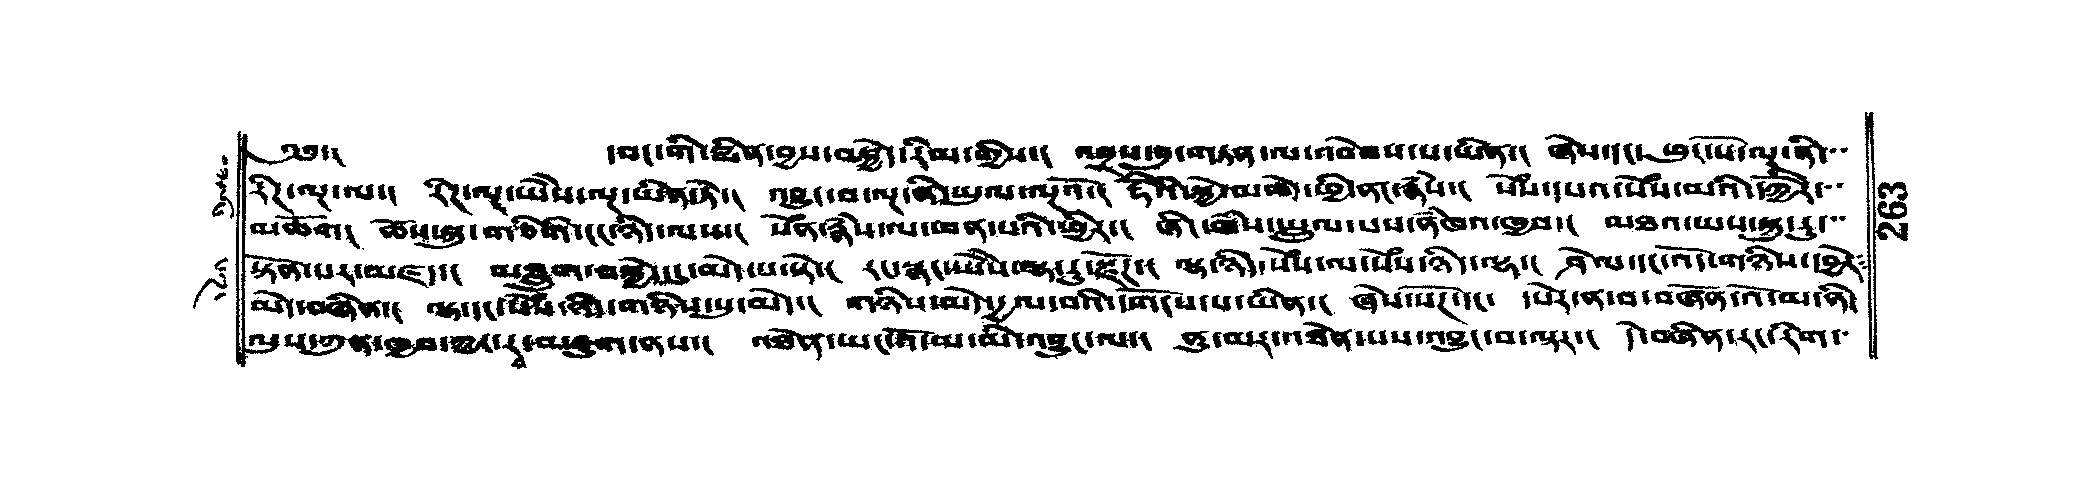།དབང་གི་སྨིན་བྱས་བསྐྱེད་རིམ་གྱིས། །འབྲས་བུ་གཏན་ལ་འབེབས་པ་ཡིན། ཞེས་དང་། ཕུང་པོ་ལྔ་ནི་
རིགས་ལྔ་ལ། །རིགས་ལྔ་ཡེ་ཤེས་ལྔ་ཡིན་ཏེ། །འབྱུང་བ་ལྔ་ནི་ཡུམ་ལྔའོ། །རྡོ་རྗེའི་སྐྱེ་མཆེད་ཕྱི་ནང་རྣམས། །སེམས་དཔའ་སེམས་མའི་དཀྱིལ་འཁོར་
མཆོག །ཆོས་སྐུ་གཅིག་གི་ངང་ཉིད་ལས། །སེམས་ཅན་རྣམས་ལ་ཕན་པའི་ཕྱིར། །ཞིང་ཁམས་སྤྲུལ་པས་ནམ་མཁའ་ཁྱབ། །མཐའ་ཡས་སྐུ་རུ་
སྟོན་པར་མཛད། །མཐར་ཐུག་བསྐྱེད་དུ་མེད་པ་སྟེ། །རང་སྣང་ཡེ་ཤེས་ལྷ་རུ་རྫོགས། །ལྷ་ཉིད་སེམས་ལ་སེམས་ཉིད་ལྷ། །ཤེལ་དང་འོད་གཉིས་དབྱེར་
མེད་བཞིན། །ལྷ་དང་སེམས་ཉིད་གཉིས་སུ་མེད། །གཉིས་མེད་རྒྱལ་བའི་དགོངས་པ་ཡིན། ཞེས་སོགས་དང་། །དཔེར་ན་བ་བཞོན་འོ་མ་ནི། །
ལུས་ཀུན་ཁྱབ་ཀྱང་རྭ་མཇུག་ནས། །འཐེན་ཡང་འོ་མ་མི་འབྱུང་ལ། །ནུ་མར་འཐེན་པས་འབྱུང་བ་ལྟར། །དེ་བཞིན་རང་རིག་